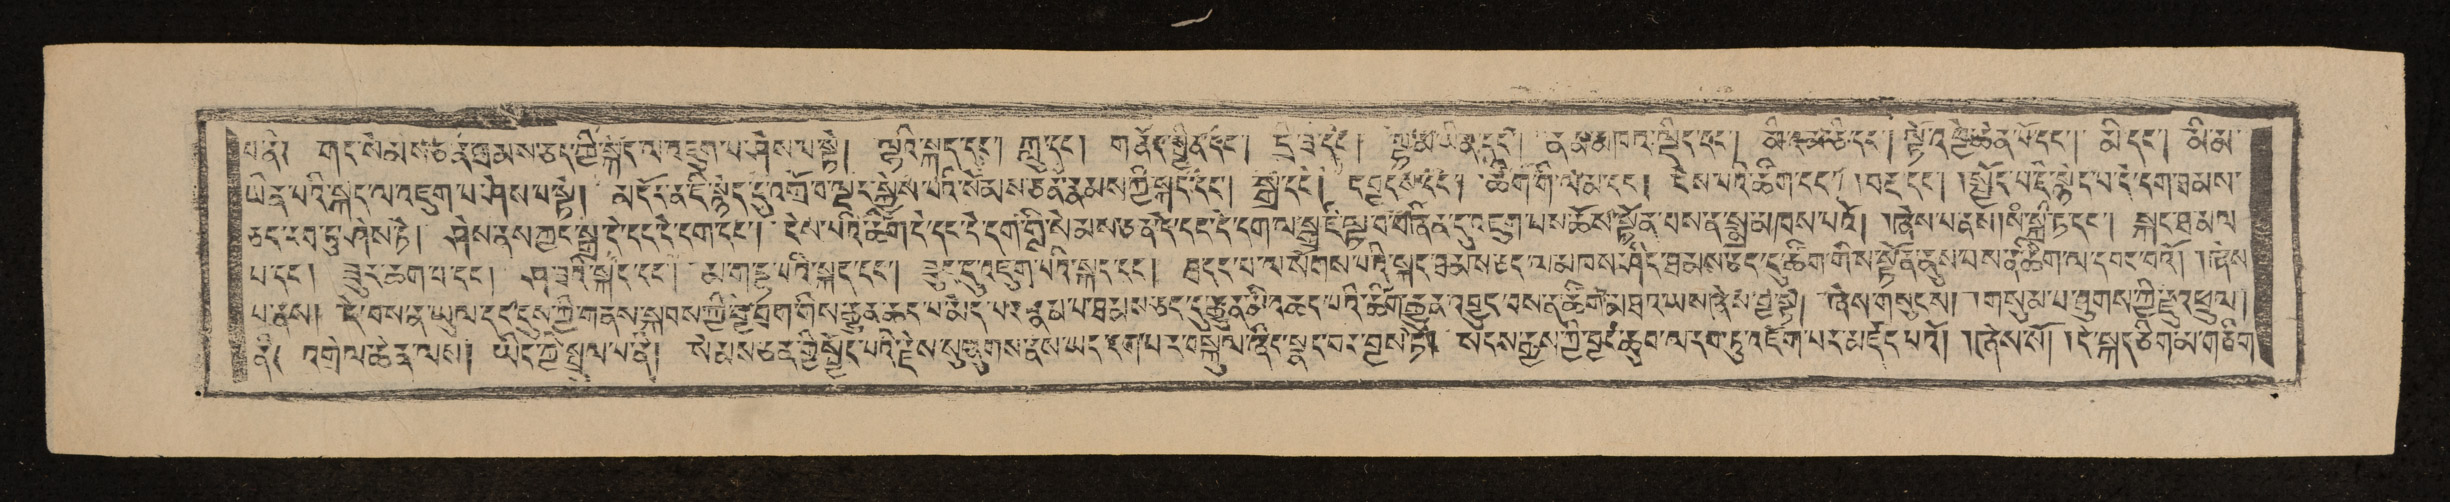པ་ནི༑ གང་སེམས་ཅན་ཐམས་ཅད་ཀྱི་སྐད་ལ་འཇུག་པ་ཤེས་པ་སྟེ། ལྷའི་སྐད་དང་། ཀླུ་དང་། གནོད་སྦྱིན་དང་། དྲི་ཟ་དང་། ལྷ་མ་ཡིན་དང་། ནམ་མཁའ་ལྡིང་དང་། མི་འམ་ཅི་དང་། ལྟོ་འཕྱེ་ཆེན་པོ་དང་། མི་དང་། མི་མ་
ཡིན་པའི་སྐད་ལ་འཇུག་པ་ཤེས་པ་སྟེ། མདོར་ན་ཇི་སྙེད་དུ་འགྲོ་བ་ལྔར་སྐྱེས་པའི་སེམས་ཅན་རྣམས་ཀྱི་སྐད་དང་། སྒྲ་དང་། དབྱངས་དང་། ཚིག་གི་ལམ་དང་། ངེས་པའི་ཚིག་དང་། བརྡ་དང་། སྤྱོད་པ་ཇི་སྙེད་པ་དེ་དག་ཐམས་
ཅད་རབ་ཏུ་ཤེས་ཏེ། ཤེས་ནས་ཀྱང་སྒྲ་དེ་དང་དེ་དག་དང་། ངེས་པའི་ཚིག་དེ་དང་དེ་དག་གིས་སེམས་ཅན་དེ་དང་དེ་དག་ལ་སྒྲ་ཇི་ལྟ་བ་བཞིན་དུ་འཇུག་པས་ཆོས་སྟོན་པས་ན་སྨྲ་མཁས་པའོ། །ཞེས་པ་ནས། སཾ་སྐྲྀ་ཏ་དང་། སྐད་ཐ་མལ་
པ་དང་། ཟུར་ཆག་པ་དང་། ཤ་ཟའི་སྐད་དང་། མ་ག་དྷ་པའི་སྐད་དང་། ཟུང་དུ་འཇུག་པའི་སྐད་དང་། ཐ་དད་པ་ལ་སོགས་པའི་སྐད་ཐམས་ཅད་ལ་མཁས་ཤིང་ཐམས་ཅད་དུ་ཚིག་གིས་སྟོན་ནུས་པས་ན་ཚིག་ལ་དབང་པའོ། །ཞེས་
པ་ནས། དེ་བས་ན་ཡུལ་དང་དུས་ཀྱི་གནས་སྐབས་ཀྱི་བྱེ་བྲག་གིས་རྒྱུན་ཆད་པ་མེད་པར་རྣམ་པ་ཐམས་ཅད་དུ་རྒྱུན་མི་འཆད་པའི་ཚིག་རྒྱུན་འབྱུང་བས་ན་ཚིག་མཐའ་ཡས་ཞེས་བྱ་སྟེ། ཞེས་གསུངས། གསུམ་པ་ཐུགས་ཀྱི་རྫུ་འཕྲུལ་
ནི༑ འགྲེལ་ཆེན་ལས། ཡིད་ཀྱི་སྤྲུལ་པ་ནི། སེམས་ཅན་གྱི་སྤྱོད་པའི་རྗེས་སུ་ཞུགས་ནས་ཡང་དག་པར་བསྐུལ་ཞིང་སྣང་པར་བྱས་ཏེ། སངས་རྒྱས་ཀྱི་བྱང་ཆུབ་ལ་རབ་ཏུ་འཇོག་པར་མཛད་པའོ། །ཞེས་སོ། །དེ་སྐད་ཅིག་མ་གཅིག་